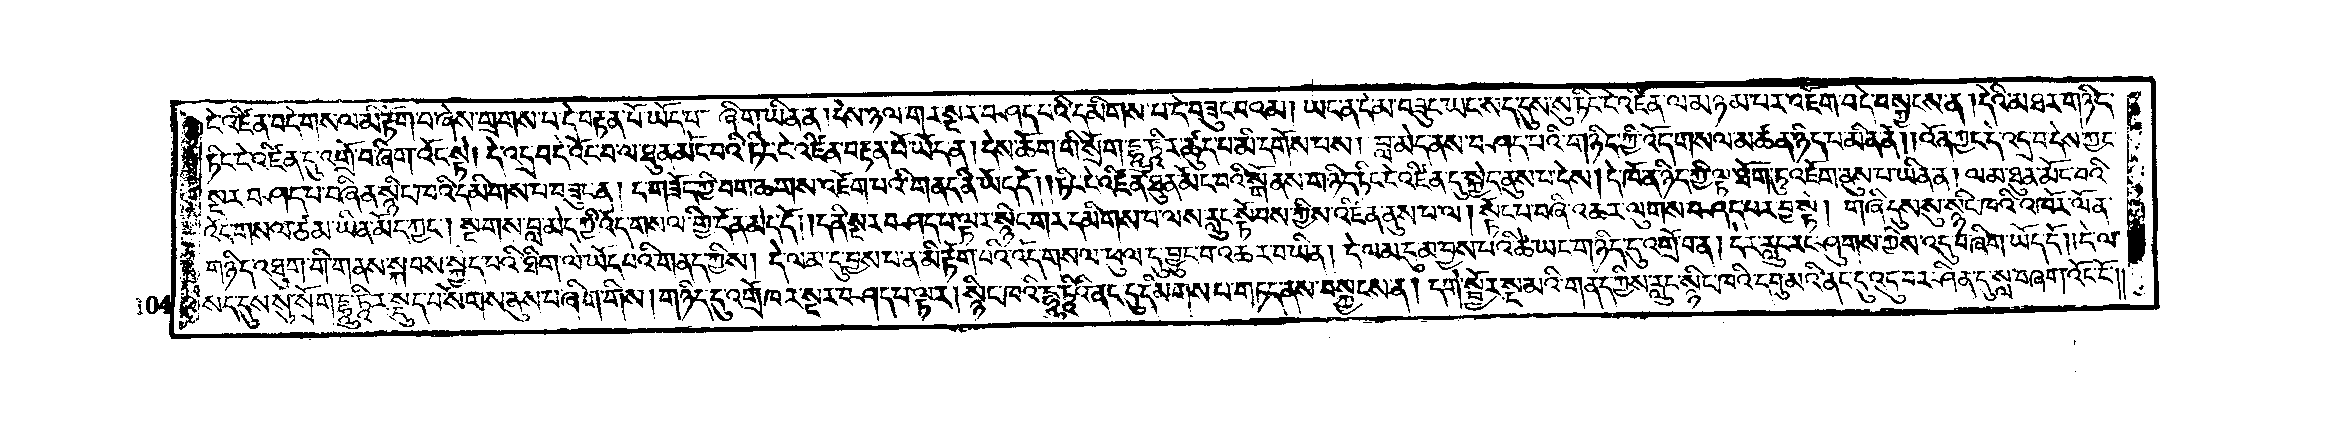ངེ་འཛིན་བདེ་གསལ་མི་རྟོག་པ་ཞེས་གྲགས་པ་དེ་བརྟན་པོ་ཡོད་པ་ཞིག་ཡིན་ན། དེས་ཉལ་གར་སྔར་བཤད་པའི་དམིགས་པ་དེ་བཟུང་བའམ། ཡང་ན་དེ་མ་བཟུང་ཡང་སད་དུས་སུ་ཏིང་ངེ་འཛིན་ལ་མཉམ་པར་འཇོག་པ་དེ་བསྐྱངས་ན། དེའི་མཐར་གཉིད་
ཏིང་ངེ་འཛིན་དུ་འགྲོ་བ་ཞིག་འོང་སྟེ། དེ་འདྲ་བ་དེ་འོང་བ་ལ་ཐུན་མོང་བའི་ཏིང་ངེ་འཛིན་བརྟན་པོ་ཡོད་ན། དེས་ཆོག་གི་སྲོག་དྷཱུ་ཏཱིར་ཚུད་པ་མི་དགོས་པས། བླ་མེད་ནས་བཤད་པའི་གཉིད་ཀྱི་འོད་གསལ་མཚན་ཉིད་པ་མིན་ནོ། །འོན་ཀྱང་དེ་འདྲ་བ་དེས་ཀྱང་
སྔར་བཤད་པ་བཞིན་སྙིང་ཁའི་དམིགས་པ་བཟུང་ན། ད་གཟོད་ཀྱི་བག་ཆགས་འཇོག་པའི་གནད་ནི་ཡོད་དོ། །ཏིང་ངེ་འཛིན་ཐུན་མོང་བའི་སྒོ་ནས་གཉིད་ཏིང་ངེ་འཛིན་དུ་སྐྱེད་ནུས་པ་དེས། དེ་ཁོ་ན་ཉིད་ཀྱི་ལྟ་ཐོག་ཏུ་འཇོག་ནུས་པ་ཡིན་ན། ལམ་ཐུན་མོང་བའི་
འོད་གསལ་ཅམ་ཡིན་མོད་ཀྱང་། སྔགས་བླ་མེད་ཀྱི་འོད་གསལ་གྱི་དོན་མེད་དོ། །ད་ནི་སྔར་བཤད་པ་ལྟར་སྙིང་གར་དམིགས་པ་ལས་རླུང་སྟོབས་ཀྱིས་འཛིན་ནུས་པ་ལ། སྟོང་པ་བཞི་འཆར་ལུགས་བཤད་པར་བྱ་སྟེ། གཞི་དུས་སུ་སྙིང་ཁའི་འཁོར་ལོ་ན་
གཉིད་འཐུག་གི་གནས་སྐབས་སྐྱེད་པའི་ཐིག་ལེ་ཡོད་པའི་གནད་ཀྱིས། དེ་ལམ་དུ་བྱས་པ་ན་མི་རྟོག་པའི་འོད་གསལ་ཕུལ་དུ་བྱུང་བ་འཆར་བ་ཡིན། དེ་ལམ་དུ་མ་བྱས་པའི་ཚེ་ཡང་གཉིད་དུ་འགྲོ་བ་ན། དེར་རླུང་རང་ཤུགས་ཀྱིས་འདུ་བ་ཞིག་ཡོད་དོ། །དེ་ལ་
སད་དུས་སུ་སྲོག་དྷཱུ་ཏཱིར་སྡུད་པ་སོགས་ནུས་པ་ཞིག་གིས། གཉིད་དུ་འགྲོ་ཁར་སྔར་བཤད་པ་ལྟར། སྙིང་ཁའི་དྷཱུ་ཏཱིའི་ནང་དུ་དམིགས་པ་གཏད་ནས་བསྐྱངས་ན། དགེ་སྦྱོར་སྔ་མའི་གནད་ཀྱིས་རླུང་སྙིང་ཁའི་དབུ་མའི་ནང་དུ་འདུ་བར་ཤིན་དུ་སླ་བ་ཞག་འོང་ངོ། །